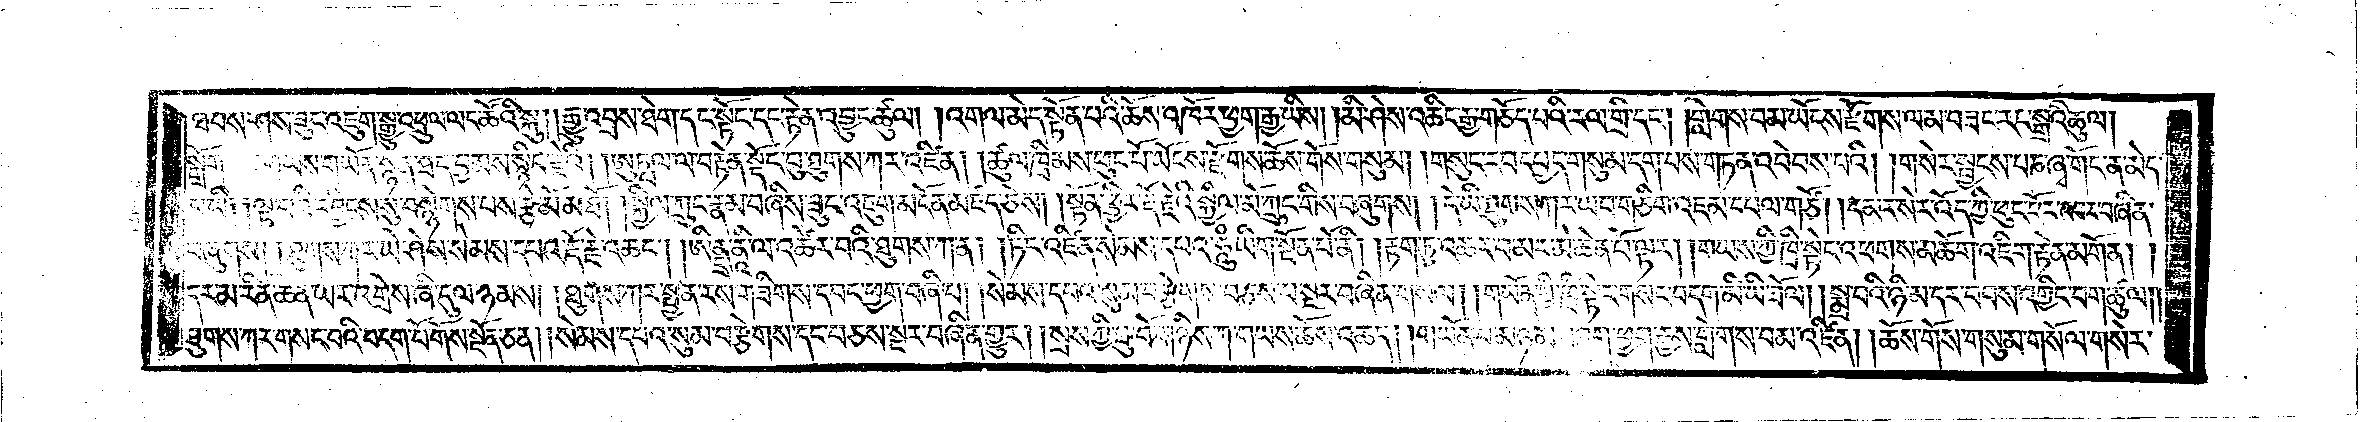ཐབས་ཤས་ཟུང་འཇུག་སྒྱུ་འཕྲུལ་ལང་ཚོའི་སྐུ། །རྒྱུ་འབྲས་ཐེག་དང་སྟོང་དང་རྟེན་འབྱུང་ཚུལ། །འགལ་མེད་སྟོན་པའི་ཆོས་འཁོར་ཕྱག་རྒྱ་ཡིས། །མི་ཤེས་འཆིང་རྒྱ་གཅོད་པའི་རལ་གྲི་དང་། །གླེགས་བམ་ཡོངས་རྫོགས་ལམ་བཟང་རང་སྒྲའི་ཚུལ།
སྒྲོག་པ་གཡས་གཡོན་སྙན་ཐད་བྱམས་སྙིང་རྗེའི། །ཨུཏྤལ་ལ་བརྟེན་སྡོང་བུ་ཐུགས་ཀར་འཛིན། །ཚུལ་ཁྲིམས་ཕུང་པོ་ཡོངས་རྫོགས་ཆོས་གོས་གསུམ། །གསུང་རབ་དཔྱད་གསུམ་དག་པས་གཏན་འབེབས་པའི། །གསེར་སྦྱངས་པཎ་ཞྭ་གོང་ན་མེད་
པ་ཡི༑ ༑ལྟ་བའི་དབྱིངས་སུ་བསྙེགས་པས་རྩེ་མོ་མཐོ། །སྐྱིལ་ཀྲུང་རྣམ་བཞིས་ཟུང་འཇུག་མངོན་མཛད་ཅེས། །སྟོན་ཕྱིར་རྡོ་རྗེའི་སྐྱིལ་མོ་ཀྲུང་གིས་བཞུགས། །དེ་ཡི་ཐུགས་ཀར་ཡབ་གཅིག་འཇམ་དཔལ་གཙོ། །དམར་སེར་འོད་ཀྱི་ཕུང་པོར་འབར་བཞིན་
བཞུགས། །ཐུགས་ཀར་ཡེ་ཤེས་སེམས་དཔའ་རྡོ་རྗེ་འཆང་། །ཨིནྡྲ་ནཱི་ལ་འཚེར་བའི་ཐུགས་ཀན། །ཏིང་འཛིན་སེམས་དཔའ་ཧཱུཾ་ཡིག་སྔོན་པོ་ནི། །རྟག་ཏུ་འཆར་བ་མར་མེ་ཆེན་པོ་ལྟར། །གཡས་ཀྱི་ཁྲི་སྟེང་འཕགས་མཆོག་འཇིག་རྟེན་མགོན། །
དར་མ་རིན་ཆེན་ཡར་འགྲེས་ཞི་དུལ་ཉམས། །ཐུགས་ཀར་སྤྱན་རས་གཟིགས་དབང་ཕྱག་བཞི་པ། །སེམས་དཔའ་སུམ་བརྩེགས་བཅས་པ་སྔར་བཞིན་གསལ། །གཡོན་གྱི་ཁྲི་སྟེང་གསང་བདག་མི་ཡི་ཟོལ། །སྨྲ་བའི་ཉི་མ་དར་བབས་འགྱིང་བག་ཚུལ།།
ཐུགས་ཀར་གསང་བའི་བདག་པོ་གོས་སྔོན་ཅན། །སེམས་དཔའ་སུམ་བརྩེགས་དང་བཅས་སྔར་བཞིན་གྱུར། །སྲས་ཀྱི་ཐུ་བོ་གཉིས་ཀ་གཡས་ཆོས་འཆད། །གཡོན་པ་མཉམ་གཞག་ཕྱག་རྒྱས་གླེགས་བམ་འཛིན། །ཆོས་གོས་གསུམ་གསོལ་གསེར་